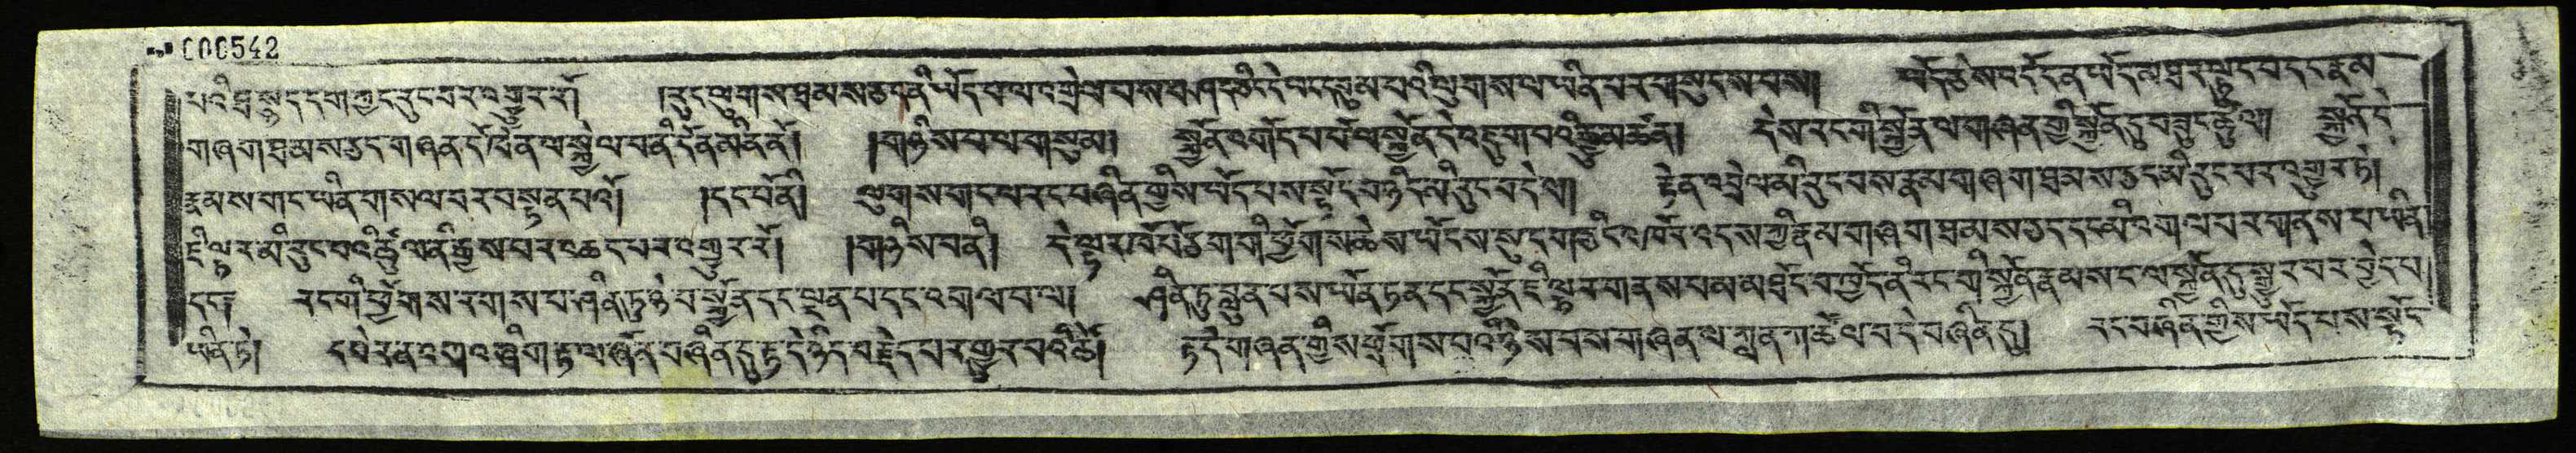པའི་ཐ་སྙད་དག་ཀྱང་རུང་བར་འགྱུར་རོ། །རུང་ལུགས་ཐམས་ཅད་ནི་ཡོད་པ་ལ་འགྲེལ་བས་བཤད་ཅིང་དེ་ཡང་དབུ་མ་པའི་ལུགས་ལ་ཡིན་པར་གསུངས་པས། ཡོད་ཅེས་འདོད་ན་ཡོད་མཐར་ལྟུང་བ་དང་རྣམ་
གཞག་ཐམས་ཅད་གཞན་དེ་ཁོ་ན་ལ་སྐྱེལ་བ་ནི་དོན་མིན་ནོ། །གཉིས་པ་ལ་གསུམ། སྐྱོན་འགོད་པ་པོ་ལ་སྐྱོན་དེ་འཇུག་པའི་རྒྱུ་མཚན། དེས་རང་གི་སྐྱོན་ལ་གཞན་གྱི་སྐྱོན་དུ་བཟུང་ཚུལ། སྐྱོན་དེ་
རྣམས་གང་ཡིན་གསལ་བར་བསྟན་པའོ། །དང་པོ་ནི། ལུགས་གང་ལ་རང་བཞིན་གྱིས་ཡོད་པས་སྟོང་པ་ཉིད་མི་རུང་བ་དེ་ལ། རྟེན་འབྲེལ་མི་རུང་བས་རྣམ་གཞག་ཐམས་ཅད་མི་རུང་བར་འགྱུར་ཏེ།
ཇི་ལྟར་མི་རུང་བའི་ཚུལ་ནི་རྒྱས་པར་འཆད་པར་འགྱུར་རོ། །གཉིས་པ་ནི། དེ་ལྟར་ཁོ་བོ་ཅག་གི་ཕྱོགས་ཆེས་ཡོངས་སུ་དག་ཅིང་འཁོར་འདས་ཀྱི་རྣམ་གཞག་ཐམས་ཅད་དང་མི་འགལ་བར་གནས་པ་ཡིན་
དང༑ རང་གི་ཕྱོགས་རགས་པ་ཤིན་ཏུ་ཉེ་བ་སྐྱོན་དང་ལྡན་པ་དང་འགལ་བ་ལ། ཤིན་ཏུ་བླུན་པས་ཡོན་ཏན་དང་སྐྱོན་ཇི་ལྟར་གནས་པ་མ་མཐོང་བ་ཁྱོད་ནི་རང་གི་སྐྱོན་རྣམས་པ་ལ་སྐྱོན་དུ་སྒྱུར་བར་བྱེད་པ།
ཡིན་ཏེ། དཔེར་ན་འགའ་ཞིག་རྟ་ལ་ཞོན་བཞིན་དུ་རྟ་དེ་ཉིད་བརྗེད་པར་གྱུར་པའི་ཚེ། རྟ་དེ་གཞན་གྱིས་ཕྲོགས་པའི་ཉེས་པ་ས་གཞན་ལ་ཀླན་ཀ་ཚོལ་བ་དེ་བཞིན་དུ། རང་བཞིན་གྱིས་ཡོད་པས་སྟོང་